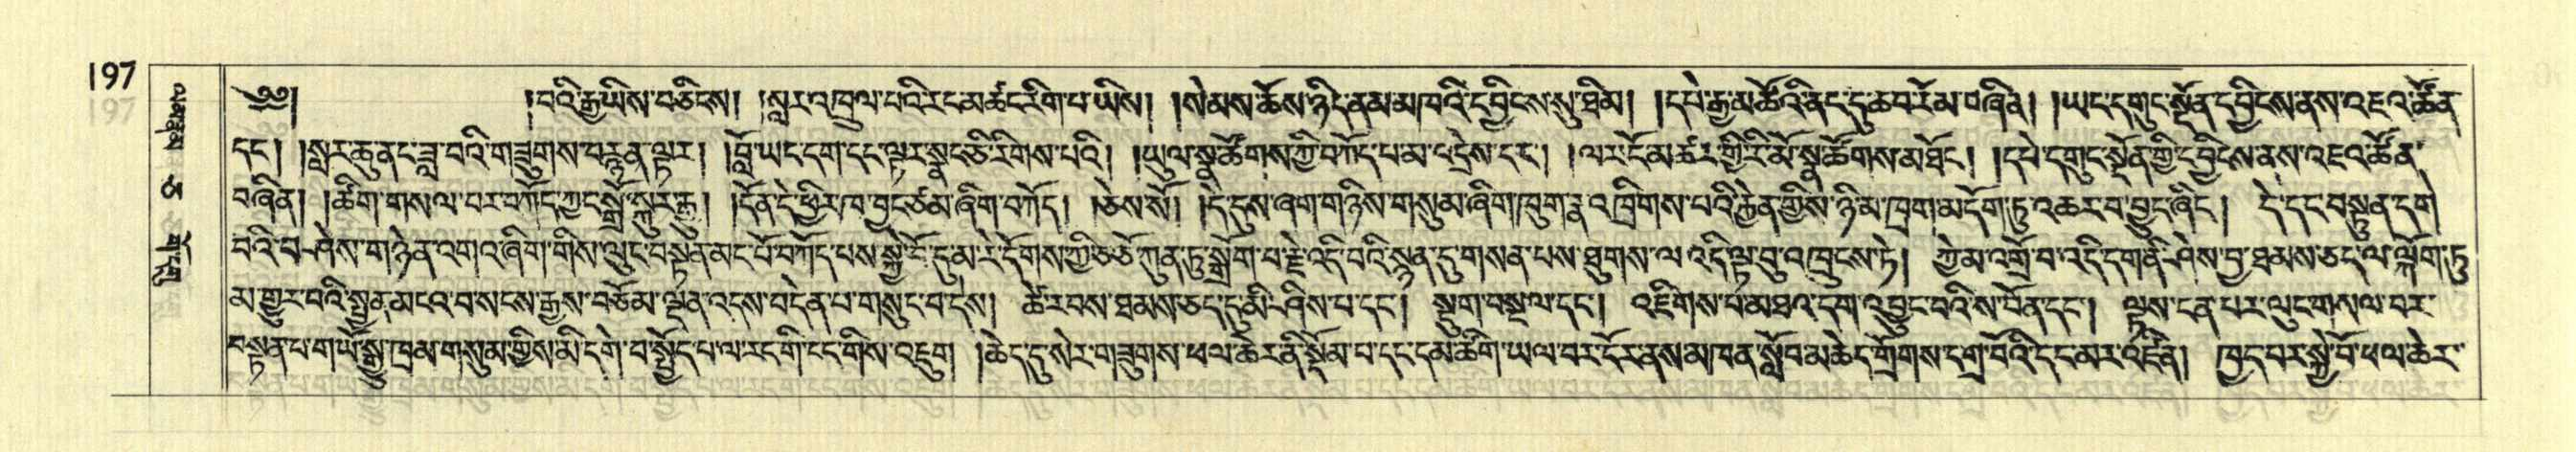༄༅། །བའི་རྒྱ་ཡིས་བཅིངས། །སླར་འཁྲུལ་པའི་རང་མཚང་རིག་པ་ཡིས། །སེམས་ཆོས་ཉིད་ནམ་མཁའི་དབྱིངས་སུ་ཐིམ། །དཔེ་རྒྱ་མཚོའི་ནང་དུ་ཆབ་རོམ་བཞིན། །ཡང་དགུང་སྔོན་དབྱིངས་ནས་འཇའ་ཚོན་
དང་། །སླར་ཆུ་ནང་ཟླ་བའི་གཟུགས་བརྙན་ལྟར། །བློ་ཡང་དག་དང་ལྟར་སྣང་ཅི་རིགས་པའི། །ཡུལ་སྣ་ཚོགས་ཀྱི་བཀོད་པ་མ་འདྲེས་དང་། །ལར་ངོ་མཚར་གྱི་རི་མོ་སྣ་ཚོགས་མཐོང་། །དཔེ་དགུང་སྔོན་གྱི་དབྱིངས་ནས་འཇའ་ཚོན་
བཞིན། །ཚིག་གསལ་པར་བཀོད་ཀྱང་སྒྲོ་སྐུར་རྒྱུ། །དོན་དེ་ཕྱིར་ཁ་བྱང་ཙམ་ཞིག་བཀོད། །ཅེས་སོ། །དེ་དུས་ཞག་གཉིས་གསུམ་ཞིག་ཁུག་རྣ་འཁྲིགས་པའི་རྐྱེན་གྱིས་ཉི་མ་ཁྲག་མདོག་ཏུ་འཆར་བ་བྱུང་ཞིང་། དེ་དང་བསྟུན་དགེ་
བའི་བཤེས་གཉེན་འགའ་ཞིག་གིས་ལུང་བསྟན་མང་པོ་བཀོད་པས་སྐྱེ་བོ་དུ་མ་རེ་དོགས་ཀྱི་ཅ་ཅོ་ཀུན་ཏུ་སྒྲོག་པ་རྗེ་འདི་བའི་སྙན་དུ་གསན་པས་ཐུགས་ལ་འདི་ལྟ་བུ་འཁྲུངས་ཏེ། ཀྱེ་མ་འགྲོ་བ་འདི་དག་ནི་ཤེས་བྱ་ཐམས་ཅད་ལ་ལྐོག་ཏུ་
མ་གྱུར་བའི་སྤྱན་མངའ་བ་སངས་རྒྱས་བཅོམ་ལྡན་འདས་བདེན་པ་གསུང་བ་དེས། ཚེ་རབས་ཐམས་ཅད་དུ་མི་ཤིས་པ་དང་། སྡུག་བསྔལ་དང་། འཇིགས་པ་མཐའ་དག་འབྱུང་བའི་ས་བོན་དང་། ལྟས་ངན་པར་ལུང་གསལ་བར་
བསྟན་པ་གཡོ་སྒྱུ་ཁྲམ་གསུམ་གྱིས་མི་དགེ་བ་སྤྱོད་པ་ལ་རང་གི་ངང་གིས་འཇུག །ཆེད་དུ་སེར་གཟུགས་ཕལ་ཆེར་ནི་སྡོམ་པ་དང་དམ་ཚིག་ཡལ་བར་དོར་ནས་མཁན་སློབ་མཆེད་གྲོགས་དགྲ་བོའི་དང་མར་འཛིན། ཁྱད་པར་སྐྱེ་བོ་ཕལ་ཆེར་